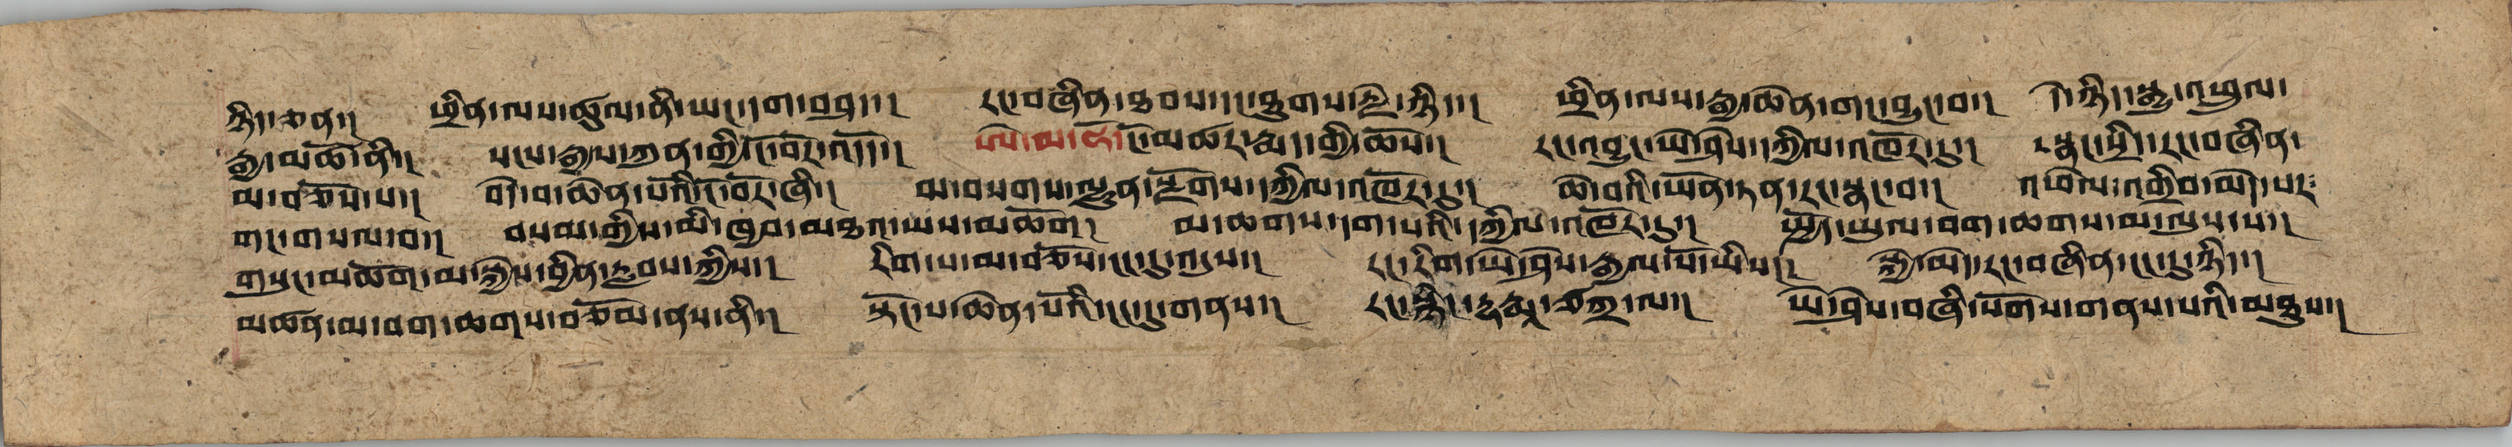ཉིད་ཅན་། ཕྲིན་ལས་ཚུལ་ནི་ཡང་དག་བཤད་། རང་བཞིན་ཐབས་དང་ཐུགས་རྗེ་ཉིད་། ཕྲིན་ལས་རྒྱ་ཆེན་གང་བྱུང་བ་། དེ་ཉིད་སྒྱུ་འཕྲུལ་
རྒྱ་མཚོ་ནི་། སངས་རྒྱས་ཀུན་གྱི་ངོ་བོར་འདོད་། ཨེ་མ་ཧོ་ངོ་མཚར་རྨད་གྱི་ཆོས་། རང་འབྱུང་ཡེ་ཤེས་དཀྱིལ་འཁོར་དུ་། སྣང་སྲིད་རང་བཞིན་
མ་བཅོས་པ་། བདེ་བ་ཆེན་པོའི་ངོ་བོར་ཞི་། མ་བསགས་ལྷུན་སྫོགས་དཀྱིལ་འཁོར་དུ་། ཆེ་བའི་ཡོན་ཏན་རང་སྣང་བ་། འཕེལ་འགྲིབ་མེད་པར་
གང་གསལ་བ་། བསམ་གྱིས་མི་ཁྱབ་མཐའ་ཡས་མཆོག། མ་ཆགས་དག་པའི་དཀྱིལ་འཁོར་དུ་། སྤྱོད་ཡུལ་བག་ཆགས་མ་ལུས་པ་།
གསུང་མཆོག་མ་སྐྱེས་བྱིན་རླབས་ཀྱིས་། རིག་པ་མ་བཅོས་ངང་དུ་འདུས་། རང་རིག་ཡེ་ཤེས་རྒྱལ་པོ་ཡིས་། སྐྱེ་མེད་རང་བཞིན་ངང་དུ་ཉིད་།
མཚན་མ་བག་ཆགས་བཅོམ་ནས་ནི་། སྟོང་པ་ཆེན་པོའི་ངང་དུ་གནས་། རང་ཉིད་དྷརྨཱ་ཙཀྲ་ལ་། ཡེ་ཤེས་བཞི་སོགས་གནས་པའི་མཐུས་།